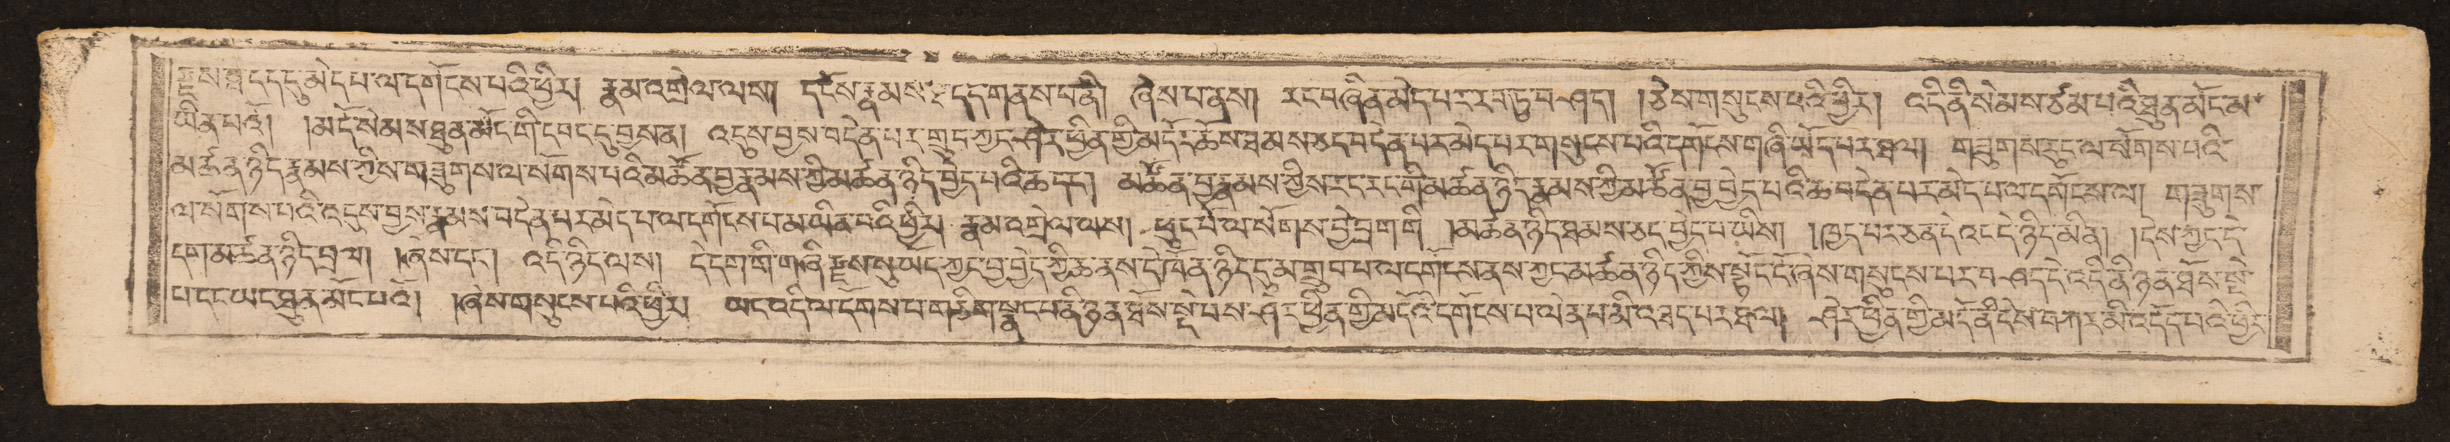རྫས་ཐ་དད་དུ་མེད་པ་ལ་དགོངས་པའི་ཕྱིར། རྣམ་འགྲེལ་ལས། དངོས་རྣམས་ཐ་དད་གནས་པ་ནི། ཞེས་པ་ནས། རང་བཞིན་མེད་པར་རབ་ཏུ་བཤད། །ཅེས་གསུངས་པའི་ཕྱིར། འདི་ནི་སེམས་ཙམ་པའི་ཐུན་མོང་མ་
ཡིན་པའོ། །མདོ་སེམས་ཐུན་མོང་གི་དབང་དུ་བྱས་ན། འདུས་བྱས་བདེན་པར་གྲུབ་ཀྱང་ཤེར་ཕྱིན་གྱི་མདོར་ཆོས་ཐམས་ཅད་བདེན་པར་མེད་པར་གསུངས་པའི་དགོངས་གཞི་ཡོད་པར་ཐལ། གཟུགས་རུང་ལ་སོགས་པའི་
མཚན་ཉིད་རྣམས་ཀྱིས་གཟུགས་ལ་སོགས་པའི་མཚོན་བྱ་རྣམས་ཀྱི་མཚན་ཉིད་བྱེད་པའི་ཆ་དང་། མཚོན་བྱ་རྣམས་ཀྱིས་རང་རང་གི་མཚན་ཉིད་རྣམས་ཀྱི་མཚོན་བྱ་བྱེད་པའི་ཆ་བདེན་པར་མེད་པ་ལ་དགོངས་ལ། གཟུགས་
ལ་སོགས་པའི་འདུས་བྱས་རྣམས་བདེན་པར་མེད་པ་ལ་དགོངས་པ་མ་ཡིན་པའི་ཕྱིར། རྣམ་འགྲེལ་ལས། ཕུང་པོ་ལ་སོགས་བྱེ་བྲག་གི །མཚན་ཉིད་ཐམས་ཅད་བྱེད་པ་ཡིས། །ཁྱད་པར་ཅན་དེའང་དེ་ཉིད་མིན། །དེས་ཀྱང་དེ་
དག་མཚན་ཉིད་བྲལ། །ཞེས་དང་། འདི་ཉིད་ལས། དེ་དག་གི་གཞི་རྫས་སུ་ཡོད་ཀྱང་བྱ་བྱེད་ཀྱི་ཆ་ནས་དེ་ཁོ་ན་ཉིད་དུ་མ་གྲུབ་པ་ལ་དགོངས་ནས་ཀྱང་མཚན་ཉིད་ཀྱིས་སྟོང་ངོ་ཞེས་གསུངས་པར་བཤད་དེ་འདི་ནི་ཉན་ཐོས་སྡེ་
པ་དང་ཡང་ཐུན་མོང་པའོ། །ཞེས་གསུངས་པའི་ཕྱིར། ཡང་འདི་ལ་དོགས་པ་གཅིག་སྣང་བ་ནི་ཉན་ཐོས་སྡེ་པས་ཤེར་ཕྱིན་གྱི་མདོའི་དགོངས་པ་ལེན་པ་མི་འཐད་པར་ཐལ། ཤེར་ཕྱིན་གྱི་མདོ་ནི་ངེས་བཀར་མི་འདོད་པའི་ཕྱིར་